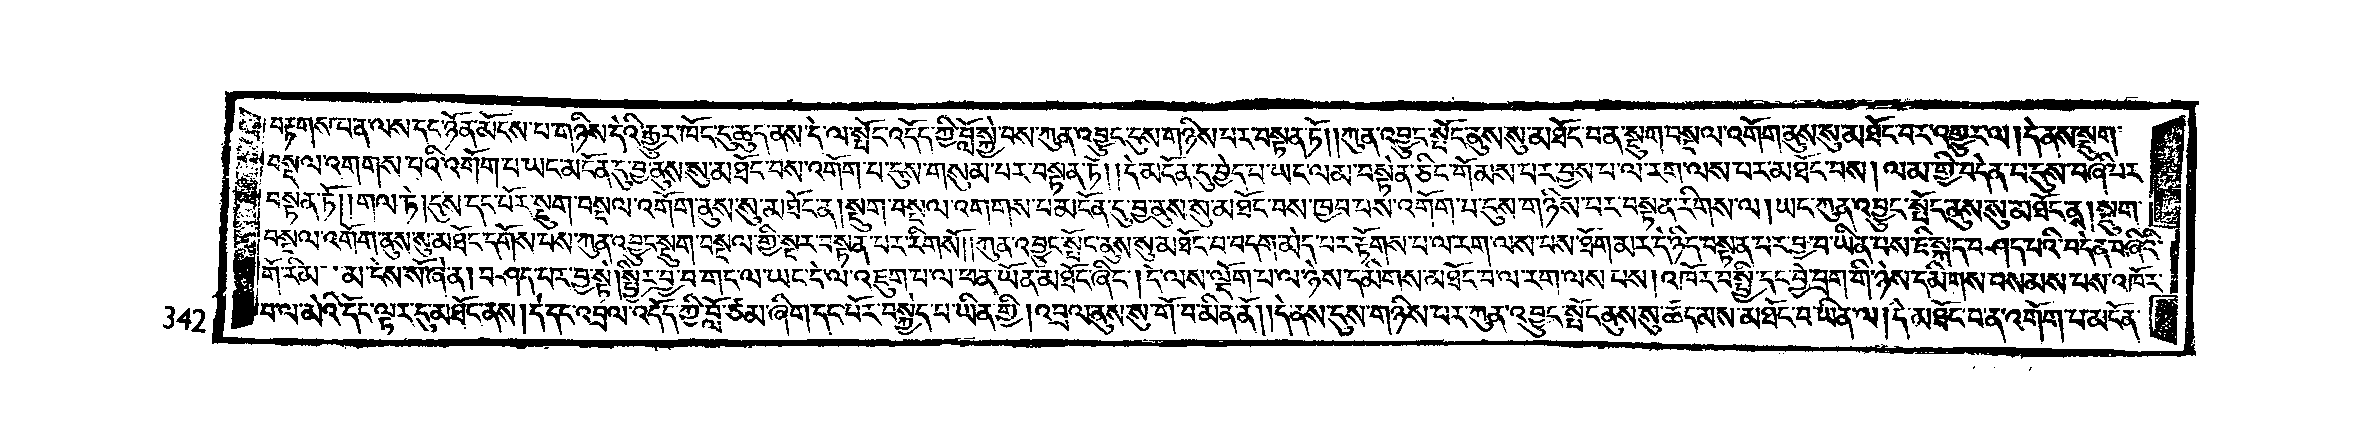བརྟགས་པ་ན་ལས་དང་ཉོན་མོངས་པ་གཉིས་དེའི་རྒྱུར་ཁོང་དུ་ཚུད་ནས་དེ་ལ་སྤོང་འདོད་ཀྱི་བློ་སྐྱེ་བས་ཀུན་འབྱུང་དུས་གཉིས་པར་བསྟན་ཏོ། །ཀུན་འབྱུང་སྤོང་ནུས་སུ་མཐོང་བ་ན་སྡུག་བསྔལ་འགོག་ནུས་སུ་མཐོང་བར་འགྱུར་ལ། དེ་ནས་སྡུག་
བསྔལ་འགགས་པའི་འགོག་པ་ཡང་མངོན་དུ་བྱ་ནུས་སུ་མཐོང་བས་འགོག་པ་དུས་གསུམ་པར་བསྟན་ཏོ། །དེ་མངོན་དུ་བྱེད་པ་ཡང་ལམ་བསྟེན་ཅིང་གོམས་པར་བྱས་པ་ལ་རག་ལས་པར་མཐོང་བས། ལམ་གྱི་བདེན་པ་དུས་བཞི་པར་
བསྟན་ཏོ། །གལ་ཏེ་དུས་དང་པོར་སྡུག་བསྔལ་འགོག་ནུས་སུ་མཐོང་ན། སྡུག་བསྔལ་འགགས་པ་མངོན་དུ་བྱ་ནུས་སུ་མཐོང་བས་ཁྱབ་པས་འགོག་པ་དུས་གཉིས་པར་བསྟན་རིགས་ལ། ཡང་ཀུན་འབྱུང་སྤོང་ནུས་མཐོང་ནས། སྡུག་
བསྔལ་འགོག་ནུས་སུ་མཐོང་དགོས་པས་ཀུན་འབྱུང་སྡུག་བསྔལ་གྱི་སྔར་བསྟན་པར་རིགས་སོ། །ཀུན་འབྱུང་སྤོང་ནུས་སུ་མཐོང་བ་བདག་མེད་པར་རྟོགས་པ་ལ་རིག་ལས་པས་ཐོག་མར་དེ་ཉིད་བསྟན་པར་བྱ་བ་ཡིན་པས་ཇི་སྐད་བཤད་པའི་བདེན་བཞིའི་
གོ་རིམ་མ་ངེས་སོ་ཞེ་ན། བཤད་པར་བྱ་སྟེ། སྤྱིར་བྱ་བ་གང་ལ་ཡང་དེ་ལ་འཇུག་པ་ལ་ཕན་ཡོན་མཐོང་ཞིང་། དེ་ལས་ལྡོག་པ་ལ་ཉེས་དམིགས་མཐོང་བ་ལ་རིག་ལས་པས། འཁོར་བ་སྤྱི་དང་བྱེ་བྲག་གི་ཉེས་དམིགས་བསམས་པས་འཁོར་
བ་ལ་མིའི་དོང་ལྟར་དུ་མཐོང་ནས། དེ་དང་འབྲལ་འདོད་ཀྱི་བློ་ཙམ་ཞིག་དང་པོར་བསྐྱེད་པ་ཡིན་གྱི། འབྲལ་ནུས་སུ་གོ་བ་མིན་ནོ། །དེ་ནས་དུས་གཉིས་པར་ཀུན་འབྱུང་སྤོང་ནུས་སུ་ཚད་མས་མཐོང་བ་ཡིན་ལ། དེ་མཐོང་བ་ན་འགོག་པ་མངོན་